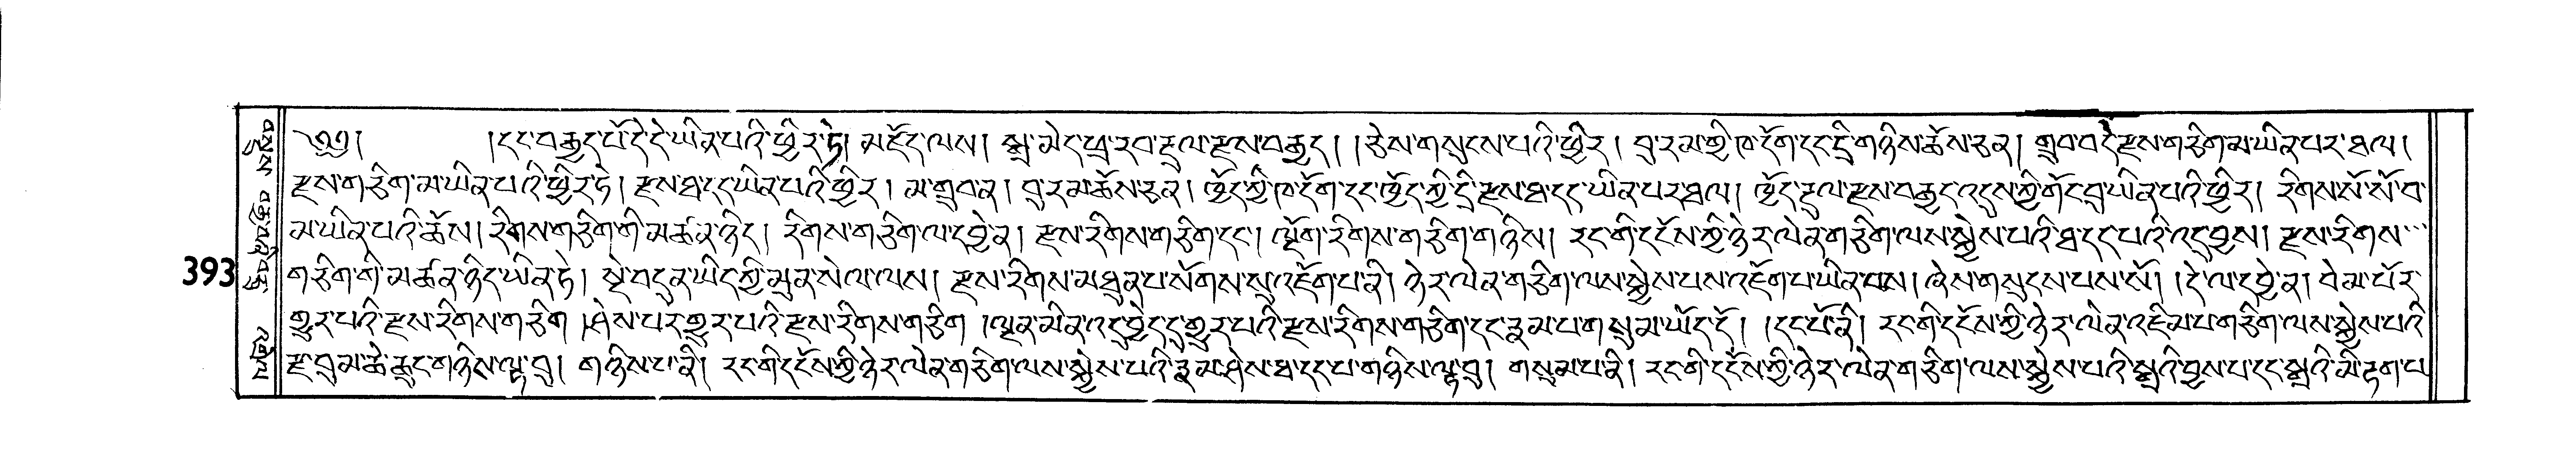༄༅། །དང་བརྒྱད་པོ་དེ་དེ་ཡིན་པའི་ཕྱིར་ཏེ། མཛོད་ལས། སྒྲ་མེད་ཕྲ་རབ་རྟལ་རྫས་བརྒྱད། །ཅེས་གསུངས་པའི་ཕྱིར། བུ་རམ་གྱི་ཁ་དོག་དང་དྲི་གཉིས་ཆོ་ཅན། གྲུབ་བདེ་རྩས་གཅིག་མ་ཡིན་པར་ཐལ།
རྫས་གཅིག་མ་ཡིན་པའི་ཕྱིར་ཏེ། རྫས་ཐ་དད་ཡིན་པའི་ཕྱིར། མ་གྲུབ་ན། བུ་རམ་ཆོས་ཅན། ཁྱོད་ཀྱི་དོག་དང་ཁྱོད་དྲི་རྫས་ཐ་དད་ཡིན་པར་ཐལ། ཁྱོད་རྟུལ་རྫས་བརྒྱད་འདུས་ཀྱི་གོང་བུ་ཡིན་པའི་ཕྱིར། རིགས་སོ་སོ་བ་
མ་ཡིན་པའི་ཆོས། རིགས་གཅིག་གི་མཚན་ཉིད། རིགས་གཅིག་གི་མཚན་ཉིད། རིགས་གཅིག་ལ་དབྱེ་ན། རྫས་རིགས་གཅིག་དང་། ལྡོག་རིགས་གཅིག་གཉིས། རྣག་གི་ངོས་ཀྱི་ཉེར་ལེན་གཅིག་ལས་སྐྱེས་པའི་ཐ་དད་པའི་འདུ་བྱས། རྫས་རིགས་
གཅིག་གི་མཚན་ཉིད་ཡིན་ཏེ། སྡེ་བདུན་ཡིད་ཀྱི་མུན་སེལ་ལས། རྫས་རིགས་མཐུན་པ་སོགས་སུ་འཇོག་པ་ཉེ། ཉེར་ལེན་གཅིག་ལས་སྐྱེས་པས་འཇོག་པ་ཡིན་པས། ཞེས་གསུངས་པས་སོ། །དེ་ལ་དབྱེ་ན། བེམ་པོར་
གྱུར་པའི་རྫས་རིགས་གཅིག །ཤེས་པར་གྱུར་པའི་རྫས་རིགས་གཅིག །ལྔན་མིན་འདུ་བྱེད་དུ་གྱུར་པའི་རྫས་རིགས་གཅིག་དང་རྣམ་པ་གསུམ་ཡོད་དོ། །དང་པོ་ནི། རང་གི་དངོས་ཀྱི་ཉེར་ལེན་འཇིམ་པ་གཅིག་ལས་སྐྱེས་པའི་
རྫ་བུམ་ཆེ་ཆུང་གཉིས་ལྟ་བུ། གཉིས་པ་ནི། རང་གི་དངོས་ཀྱི་ཉེར་ལེན་གཅིག་ལས་སྐྱེས་པའི་རྣམ་ཤེས་ཐ་དད་པ་གཉིས་ལྟ་བུ། གསུམ་པ་ནི། རང་གི་དངོས་ཀྱི་ཉེར་ལེན་གཅིག་ལས་སྐྱེས་པའི་སྒའི་བྱས་པ་དང་སྒྲའི་མི་རྟག་པ་